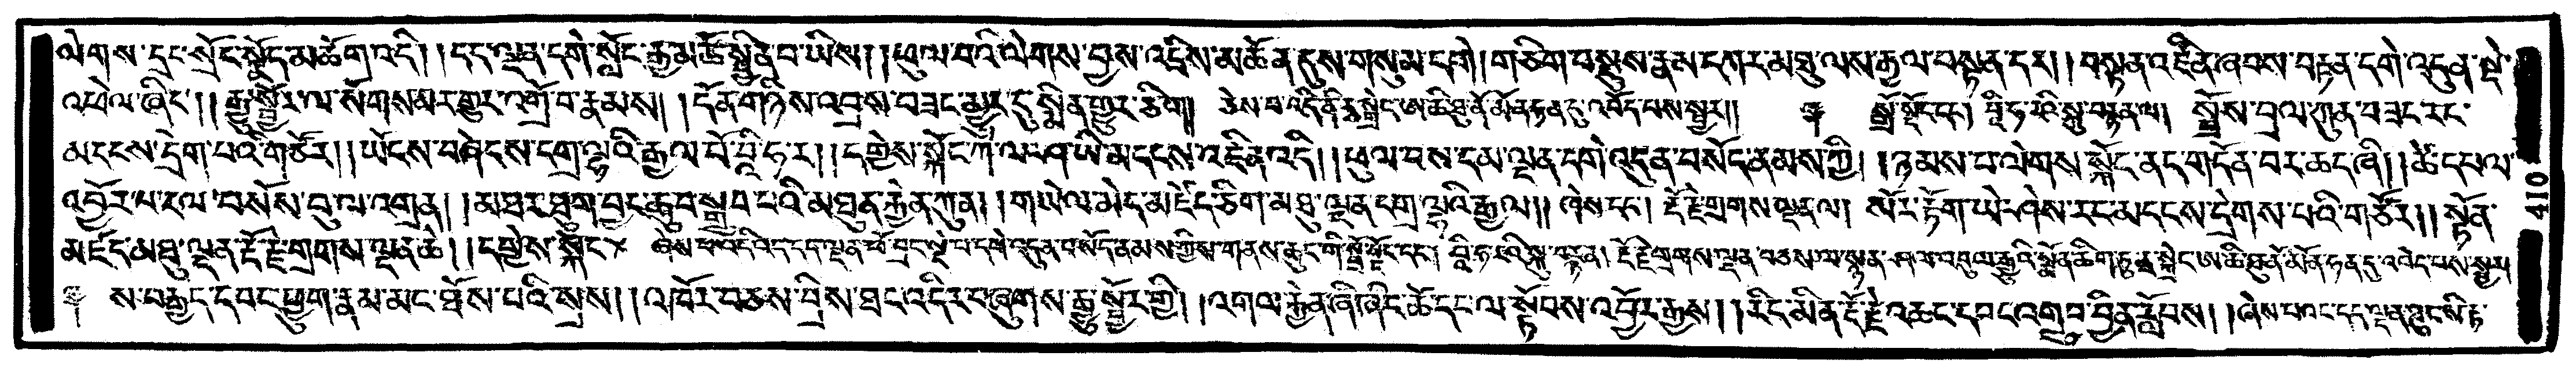ལེགས་དྲང་སྲོང་སྣོད་མཆོག་འདི། །དད་ལྡན་དགེ་སློང་རྒྱ་མཚོ་སྦྱིན་པ་ཡིས། །ཕུལ་བའི་ལེགས་བྱས་འདྲིས་མཆོན་དུས་གསུམ་དགེ །གཅིག་བསྡུས་རྣམ་དཀར་མཐུ་ལས་རྒྱལ་བསྟན་དར། །བསྟན་འཛིན་ཞབས་བརྟན་དགེ་འདུན་སྡེ་
འཕེལ་ཞིང་། །རྒྱུ་སྦྱོར་ལ་སོགས་མར་གྱུར་འགྲོ་བ་རྣམས། །དོན་གཉིས་འབྲས་བཟང་མྱུར་དུ་སྨིན་གྱུར་ཅིག །ཅེས་བ་འདི་ནི་རྭ་སྒྲེང་ཨ་ཆི་ཐུ་ནོ་མོན་ཧན་དུ་འབོད་པས་སྦྱར།། ༈ སྒྲོ་སྡོང་དང་། བཱི་ཧ་རའི་སྐུ་བརྙན་ལ། སྤྲོས་བྲལ་ཀུན་བཟང་རང་
མདངས་དྲེག་པའི་གཙོར། །ཡོངས་བཞེངས་དགྲ་ལྷའི་རྒྱལ་པོ་བཱི་ཧ་ར། །དགྱེས་སྐོང་ཀེ་ལ་ཤ་ཡི་མདངས་འཛིན་འདི། །ཕུལ་བས་དམ་ལྡན་དགེ་འདུན་བསོད་ནམས་ཀྱི། །ཉམས་པ་ལེགས་སྐོང་ནད་གདོན་བར་ཆད་ཞི། །ཚེ་དཔལ་
འབྱོར་པ་ངལ་བསོས་བུ་ལ་འགྲན། །མཐར་ཐུག་བྱང་ཆུབ་སྒྲུབ་པའི་མཐུན་རྐྱེན་ཀུན། །གཡེལ་མེད་མཛེད་ཅིག་མཐུ་ལྡན་དགྲ་ལྷའི་རྒྱལ། །ཞེས་དང་། རྡོ་རྗེ་གྲགས་ལྡན་ལ། །སོར་རྟོག་ཡེ་ཤེས་རང་མདངས་དྲེགས་པའི་གཙོར། །སྟོན་
མཛད་མཐུ་ལྡན་རྡོ་རྗེ་གྲགས་ལྡན་ཆེ། །དགྱེས་སྐོང་{྾}་ཞེས་པ་འདི་འང་དད་ལྡན་ཕོ་བྲང་སྡེ་པ་དགེ་འདུན་བསོད་ནམས་ཀྱིས་གནས་ཆུང་གི་སྒྲོ་སྡོང་དང་། བཱི་ཧ་རའི་སྐུ་བརྙན། རྡོ་རྗེ་གྲགས་ལྡན་བཅས་ལ་སྙན་ཤལ་འབུལ་རྒྱུའི་སྨོན་ཚིག་ཏུ་རྭ་སྒྲེང་ཨ་ཆི་ཐུ་ནོ་མོན་ཧན་དུ་འབེད་པས་སྦྱར།
༈ ས་བརྒྱད་དབང་ཕྱུག་རྣམ་མང་ཐོས་པའི་སྲས། །འཁོར་བཅས་བྲིས་ཐང་འདིར་བཞུགས་རྒྱུ་སྦྱོར་གྱི། །འགལ་རྐྱེན་ཞི་ཞིང་ཚེ་དང་ལ་སྟོབས་འབྱོར་རྒྱས། །རིང་མིན་རྡོ་རྗེ་འཆང་དབང་འགྲུབ་བྱིན་རློབས། །ཞེས་པའང་དད་ལྡན་ཐུང་སི་རྟ་